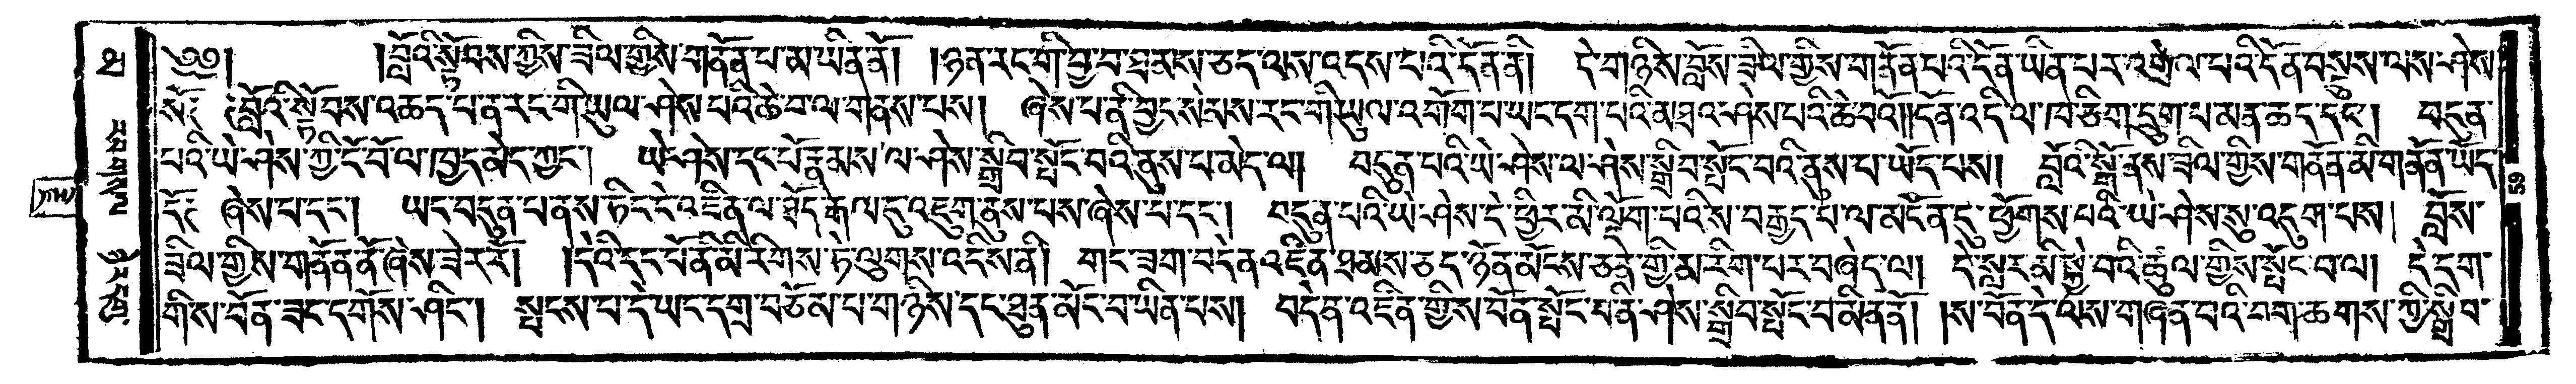༄༅། །བློའི་སྟོབས་ཀྱིས་ཟིལ་གྱིས་གནོན་པ་མ་ཡིན་ནོ། །ཉན་རང་གི་བྱ་བ་ཐམས་ཅད་ལས་འདས་པའི་དོན་ནི། དེ་གཉིས་བློས་ཟིལ་གྱིས་གནོན་པའི་དོན་ཡིན་པར་འགྲེལ་པའི་དོན་བསྡུས་ལས་ཤེས་
སོ༑ ༑བློའི་སྟོབས་འཆད་པ་ན་རང་གི་ཡུལ་ཤེས་པའི་ཆེ་བ་ལ་གནས་པས། ཞེས་པ་ནི་བྱང་སེམས་རང་གི་ཡུལ་འགོག་པ་ཡང་དག་པའི་མཐའ་ཤེས་པའི་ཆེ་བའོ། །དོན་འདི་ལ་ཁ་ཅིག་དྲུག་པ་མན་ཆད་དང་། བདུན་
པའི་ཡེ་ཤེས་ཀྱི་ངོ་བོ་ལ་ཁྱད་མེད་ཀྱང་། ཡེ་ཤེས་དང་པོ་རྣམས་ལ་ཤེས་སྒྲིབ་སྤོང་བའི་ནུས་པ་མེད་ལ། བདུན་པའི་ཡེ་ཤེས་ལ་ཤེས་སྒྲིབ་སྤོང་བའི་ནུས་པ་ཡོད་པས། བློའི་སྒོ་ནས་ཟིལ་གྱིས་གནོན་མི་གནོན་ཡོད་
དོ། །ཞེས་པ་དང་། ཡང་བདུན་པ་ནས་ཏིང་ངེ་འཛིན་ལ་ཐོད་རྒལ་དུ་འཇུག་ནུས་པས་ཞེས་པ་དང་། བདུན་པའི་ཡེ་ཤེས་དེ་ཕྱིར་མི་ལྡོག་པའི་ས་བརྒྱད་པ་ལ་མངོན་དུ་ཕྱོགས་པའི་ཡེ་ཤེས་སུ་འདུག་པས། བློས་
ཟིལ་གྱིས་གནོན་ནོ་ཞེས་ཟེར་རོ། །དེའི་དང་པོ་ནི་མི་རིགས་ཏེ་ལུགས་འདིས་ནི། གང་ཟག་བདེན་འཛིན་ཐམས་ཅད་ཉོན་མོངས་ཅན་གྱི་མ་རིག་པར་བཞེད་ལ། དེ་སླར་མི་སྐྱེ་བའི་ཚུལ་གྱིས་སྤོང་བ་ལ། དེ་དག་
གི་ས་བོན་ཟད་དགོས་ཤིང་། སྤངས་པ་དེ་ཡང་དགྲ་བཅོམ་པ་གཉིས་དང་ཐུན་མོང་བ་ཡིན་པས། བདེན་འཛིན་གྱི་ས་བོན་སྤོང་བ་ནི་ཤེས་སྒྲིབ་སྤོང་བ་མིན་ནོ། །ས་བོན་དེ་ལས་གཞན་པའི་བག་ཆགས་ཀྱི་སྒྲིབ་